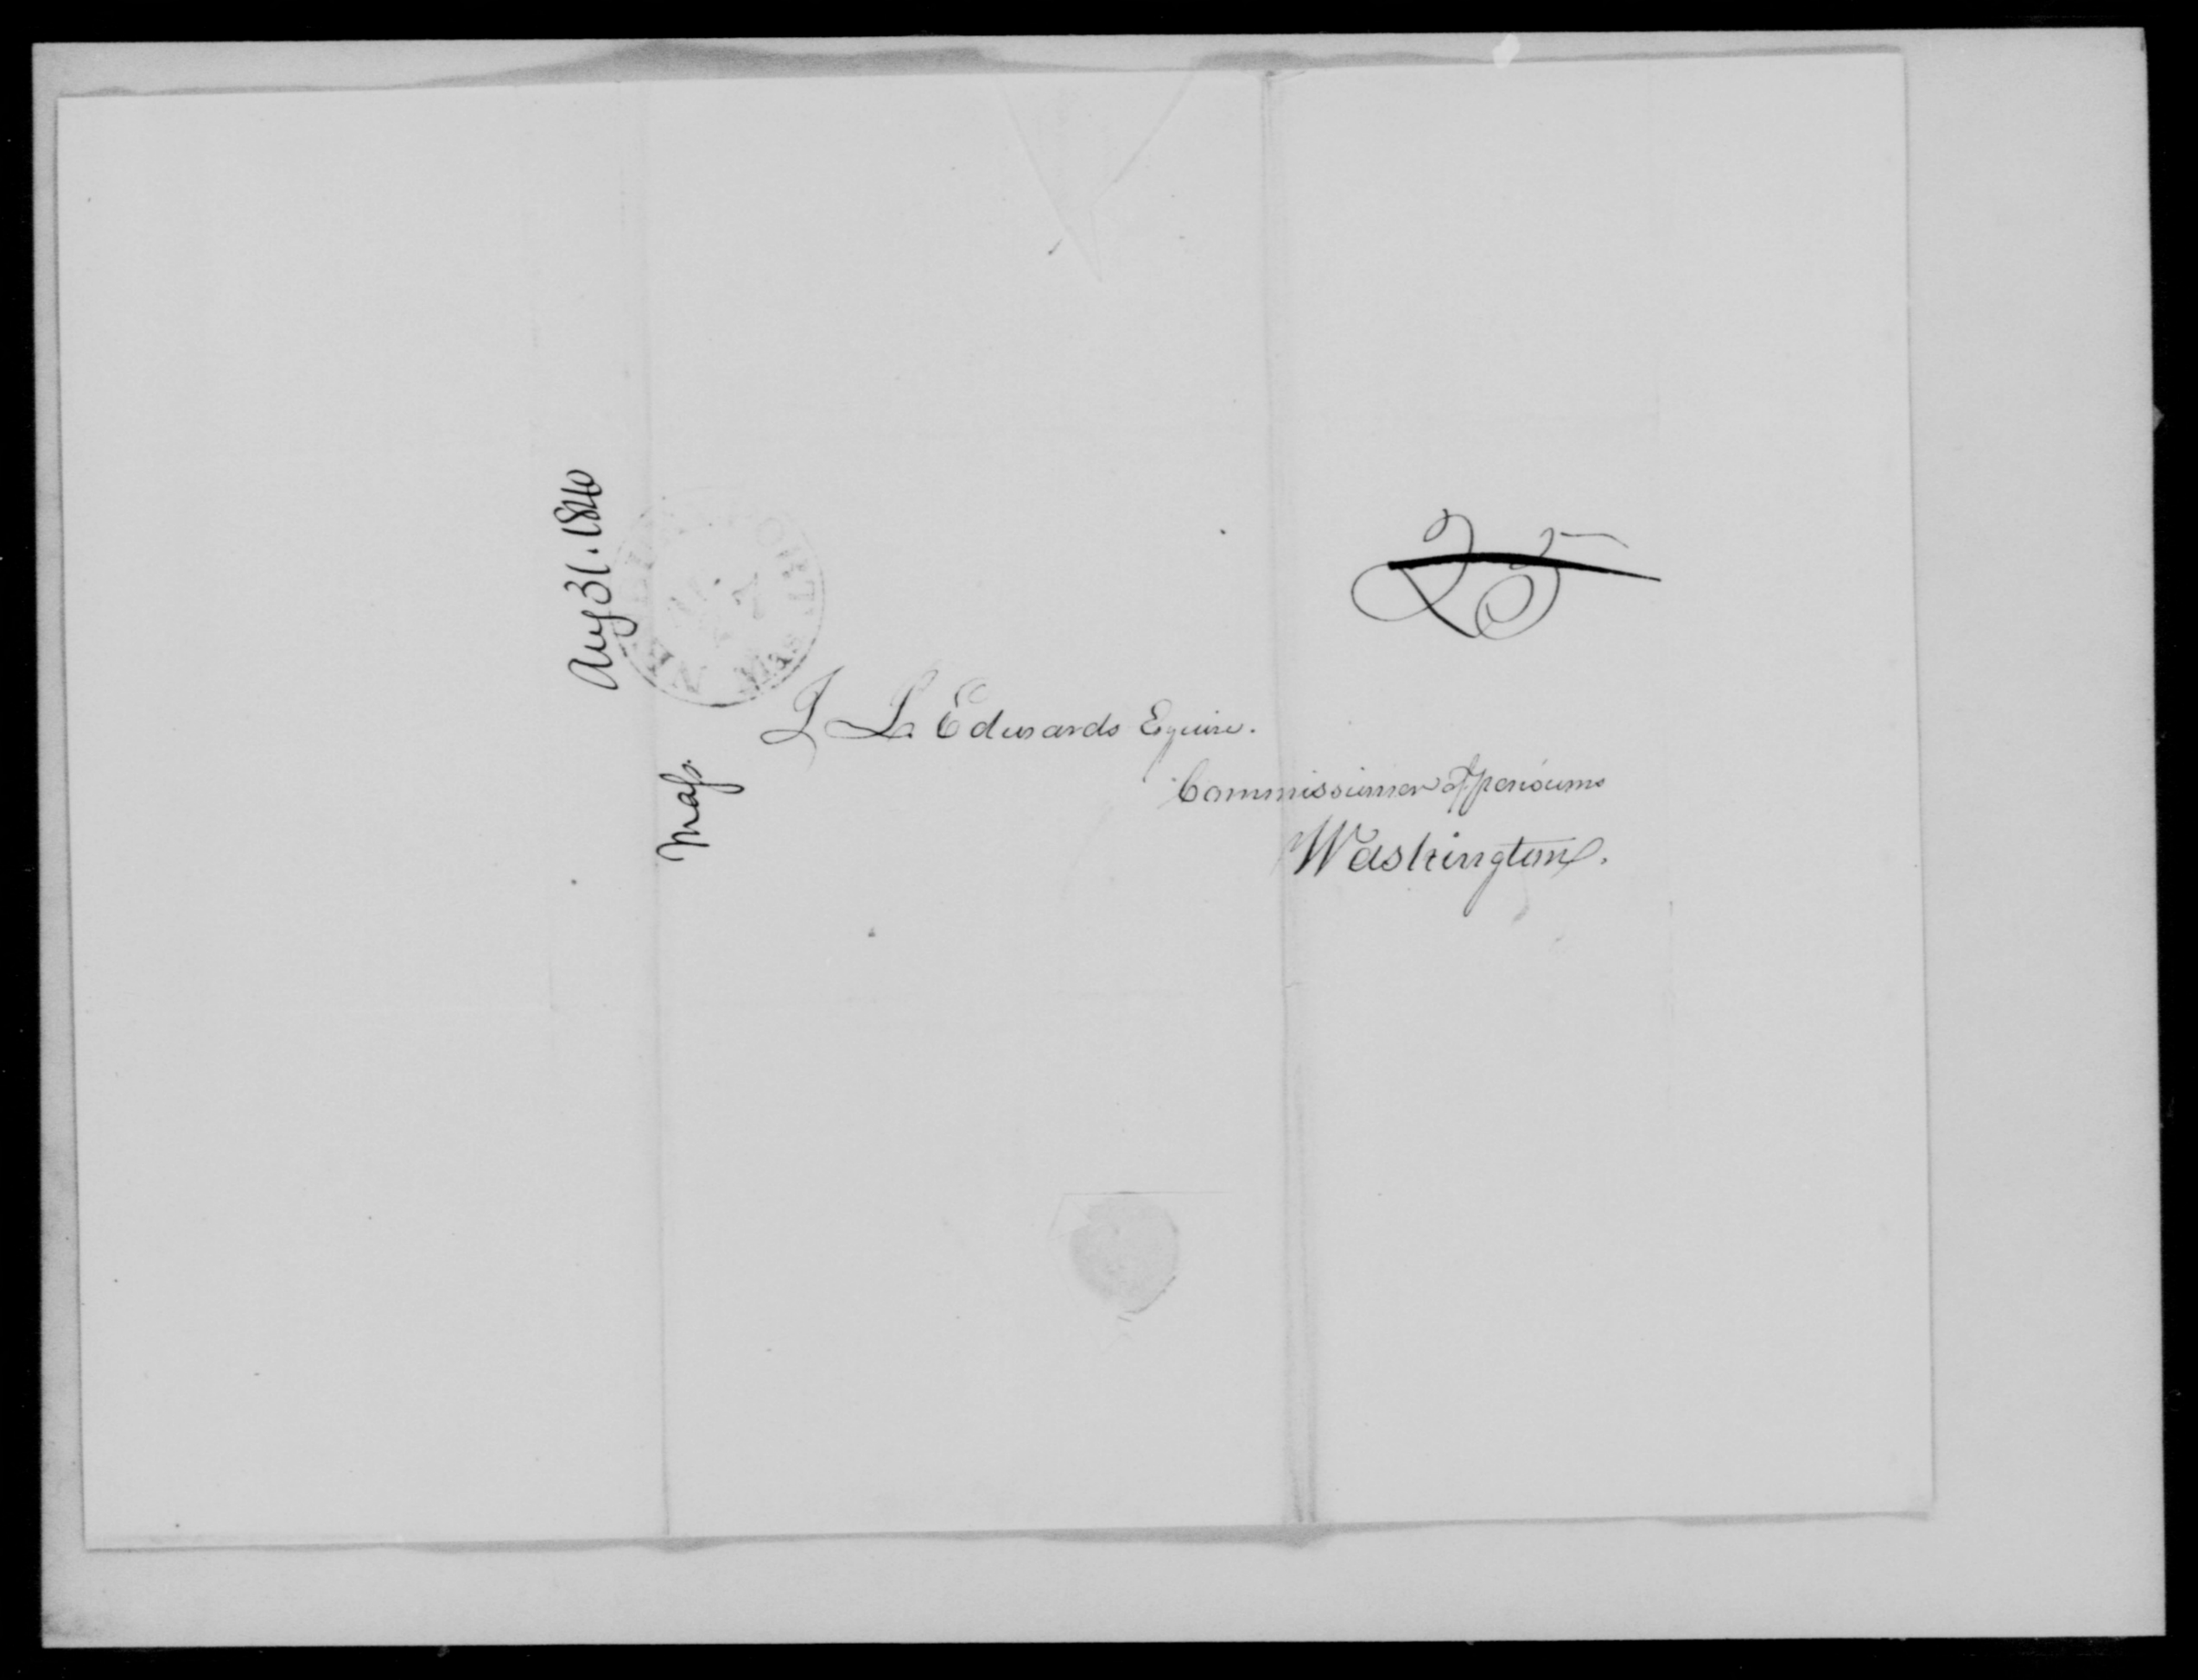Aug 31, 1840
Mass 
[stamp] Newburyport Mas Aug 27

25 [crossed out]
J L Edwards Esquire
Commissioner of Pensions
Washington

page: 53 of 55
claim: widow's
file: W. 14,021, for Samuel Tilton, New Hampshire